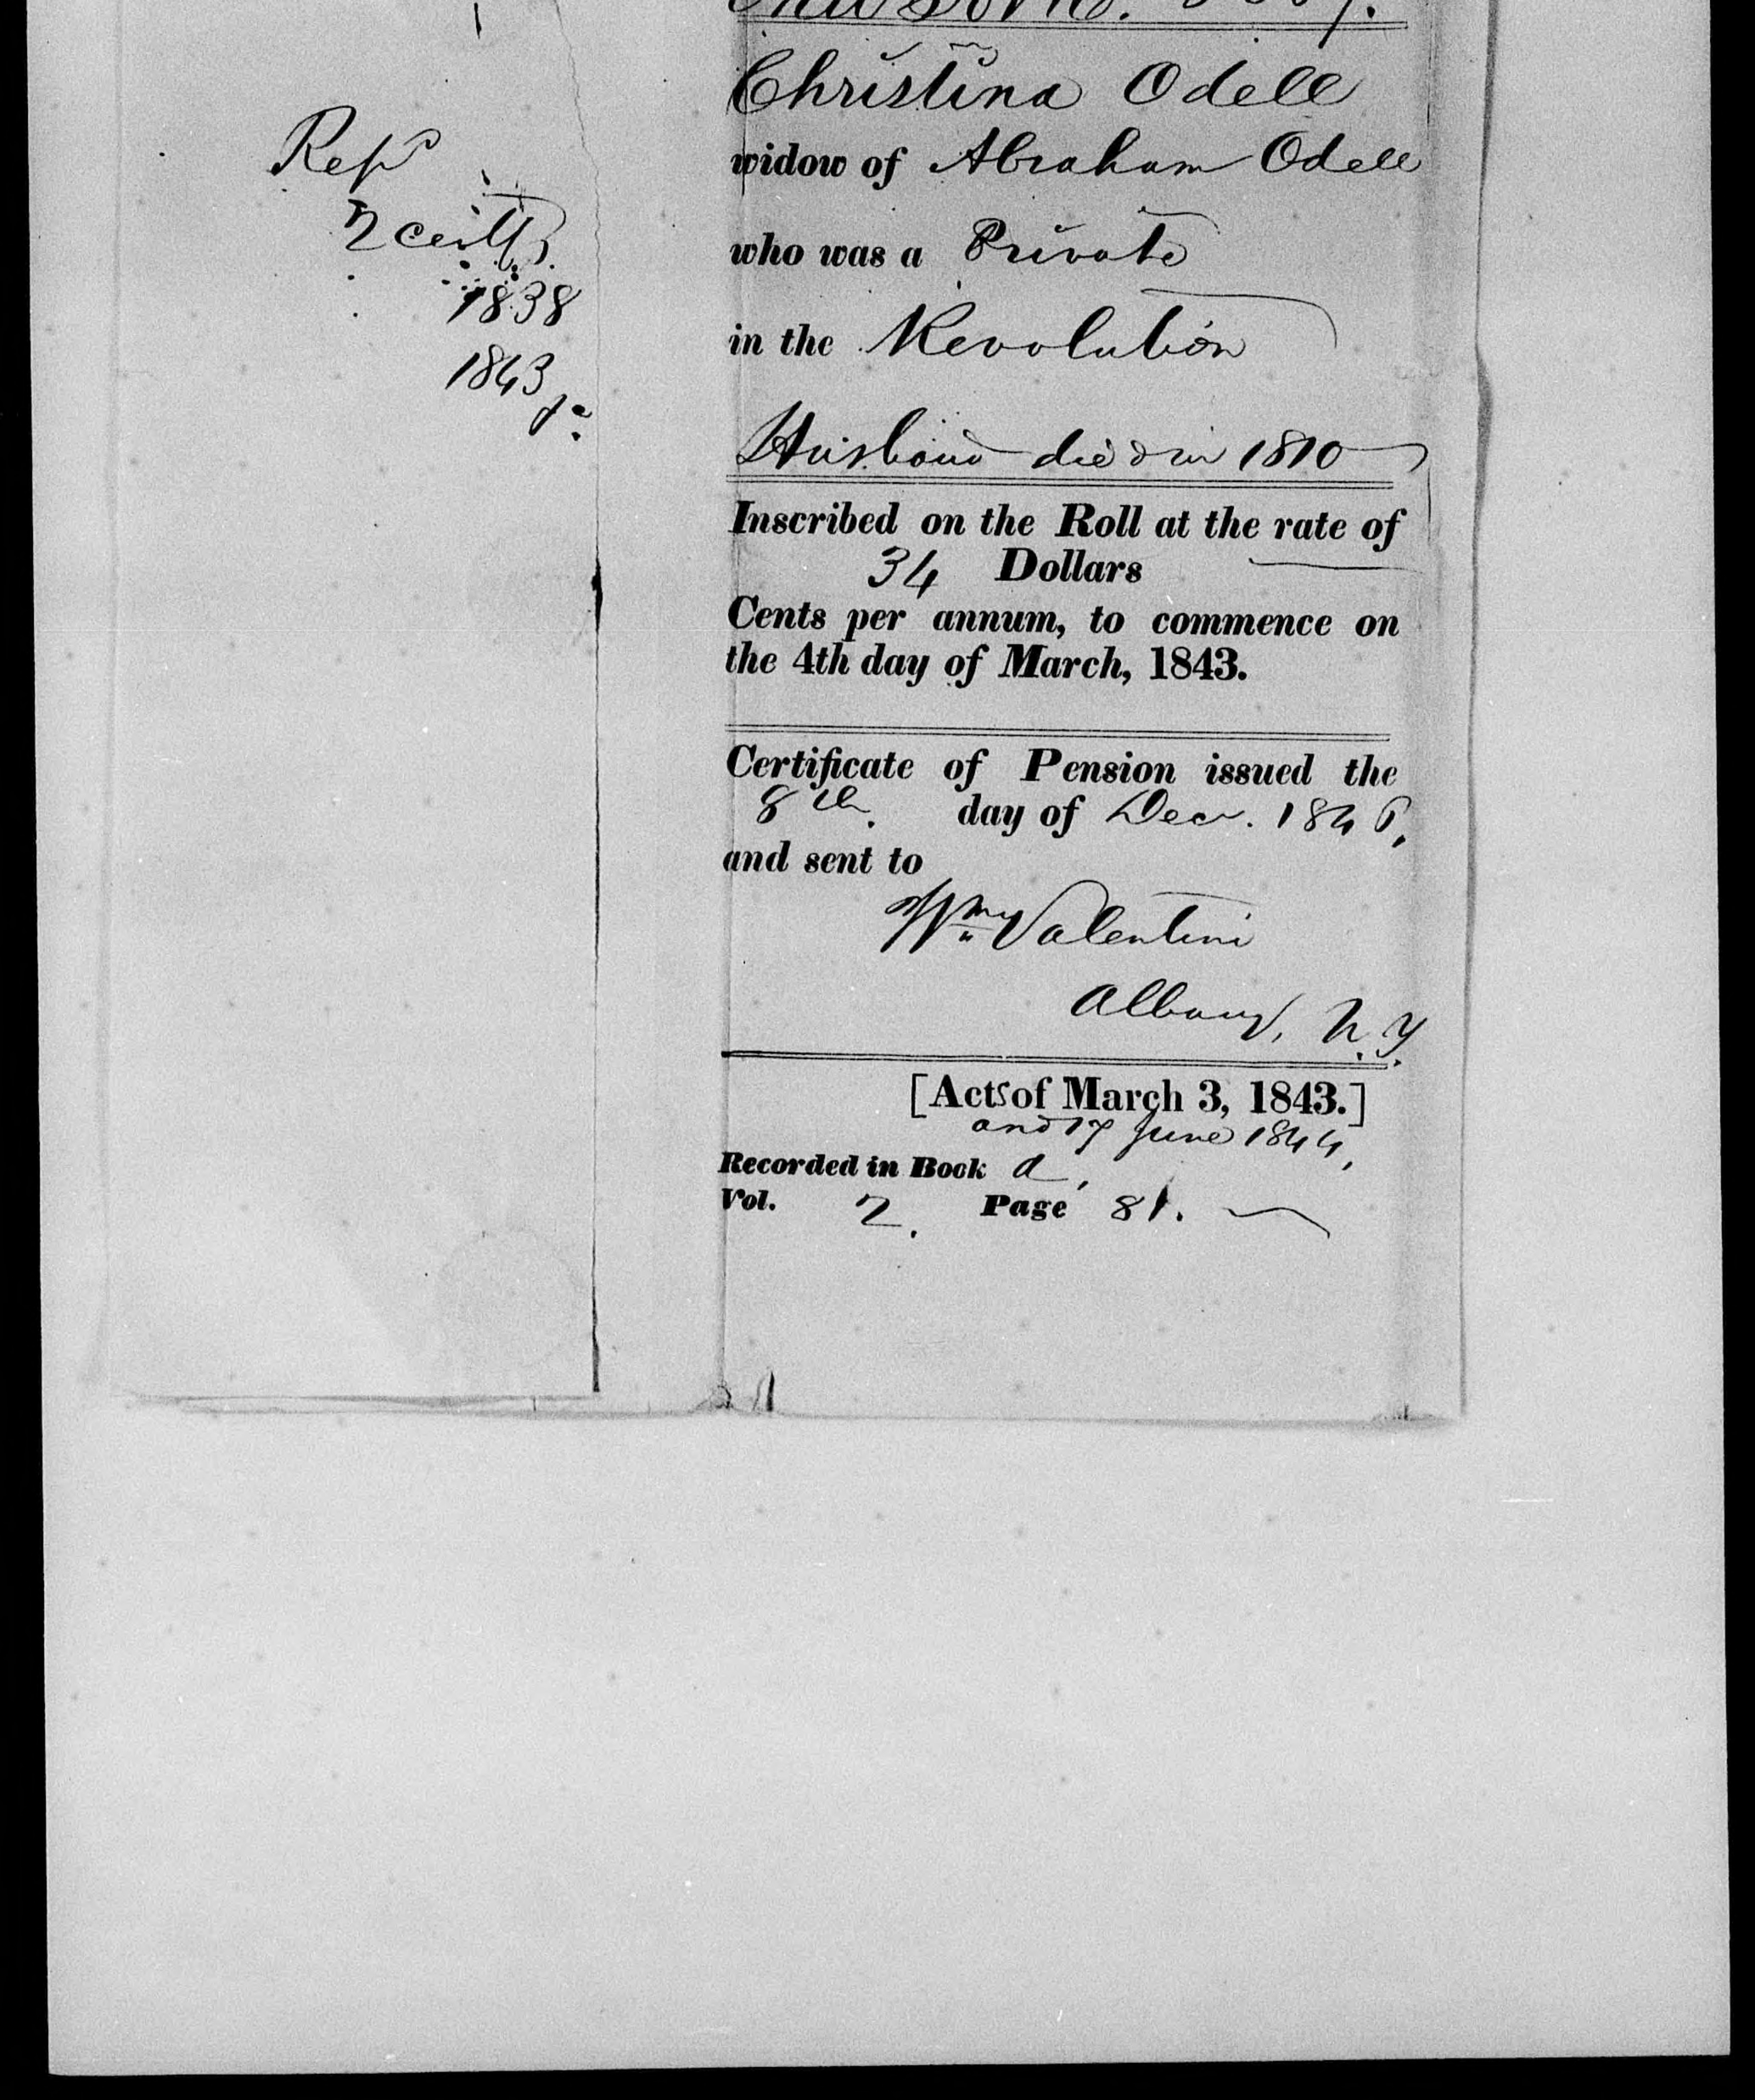[left side of page] 
Retd 2 certfs. 1838 1843 je. 

[right side of page, printed form with hand written responses] 
New York. 
=============== 
[check mark] rvy 
Christina Odell widow of Abraham Odell who was a Private in the Revolution 
Husband died in 1810
================ 
Inscribed on the Roll at the rate of 34 Dollars --- Cents per annum, to commence on the 4th day of March, 1843.
================ 
Certificate of Pension issued the 8th. day of Decr. 1846. and sent to Wm. Valentine Albany, N.Y.
================ 
[Acts of March 3, 1843.] [square brackets in original] and 17 June 1844. 
Recorded in Book A. Vol. 2. Page 81. ---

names: Wm Valentine; Abraham Odell; Christina Odell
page: 14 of 19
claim: widow's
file: W. 24363, for Abraham Odell, New York